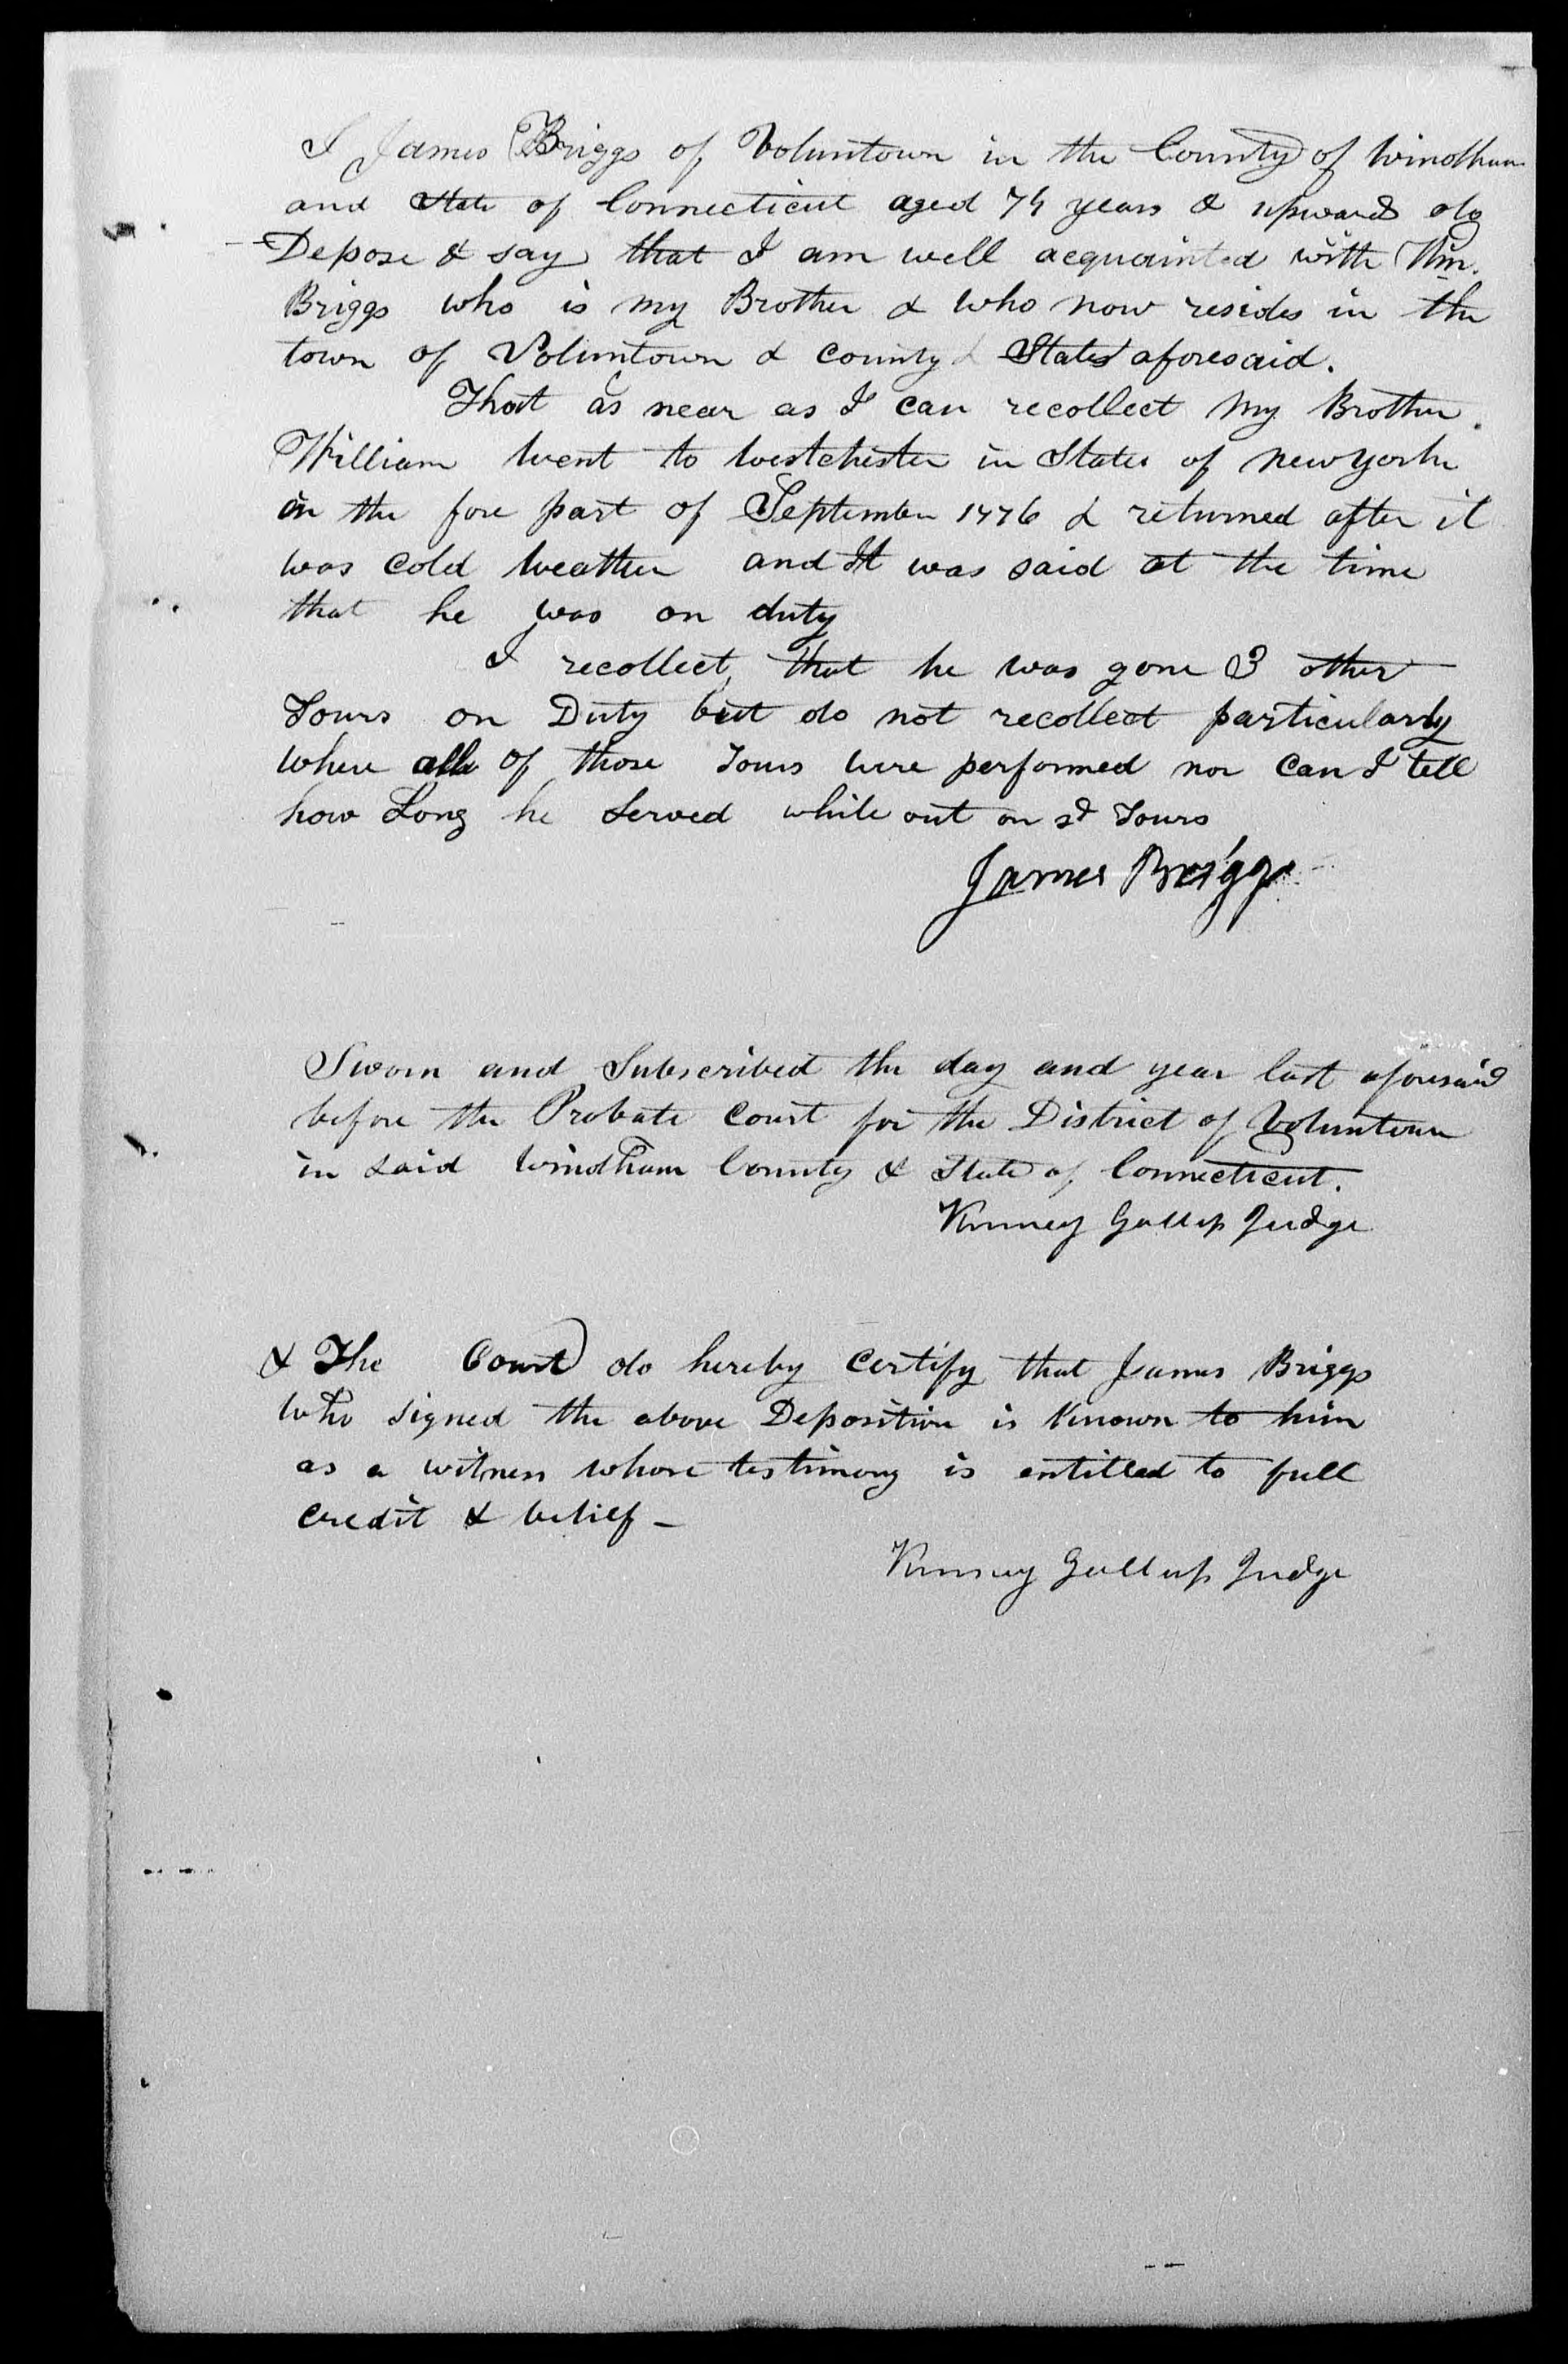I James Briggs of Voluntown in the County of Windham and State of Connecticut aged 74 years & upward do Depose & say that I am well acquainted with Wm Briggs  who is my Brother & now resides in the town of Voluntown & county and State aforesaid.

That as near as I can recollect my Brother, William went to Westchester in State of New York on the fore part of September 1776 & returned after it was cold weather and was said at the time that he was on duty

I recollect , that he was gone 3 other Tours on Duty but do not recollect particularly where all of those Tours were performed nor can I tell how ling he Served while out on sd Tours.
         [Signed]  James Briggs

Sworn and Subscribed the day and year last aforesaid before the Probate Court for the District of Voluntown in said Windham County & State of Connecticut
           [Signed]   'Kenney Gallup Judge

& The Court do hereby certify that James Briggs who signed the above Deposition is known to him as a witness whose testimony is entitled to full credit & belief
         {signed} Kenney Gallup  Judge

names: Kenney Gallup, James Briggs, Kenney Gallip, James Briggs, Wm Briggs, James Briggs, William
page: 24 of 37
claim: survivor's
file: S. 12,281, William Briggs, Conn.